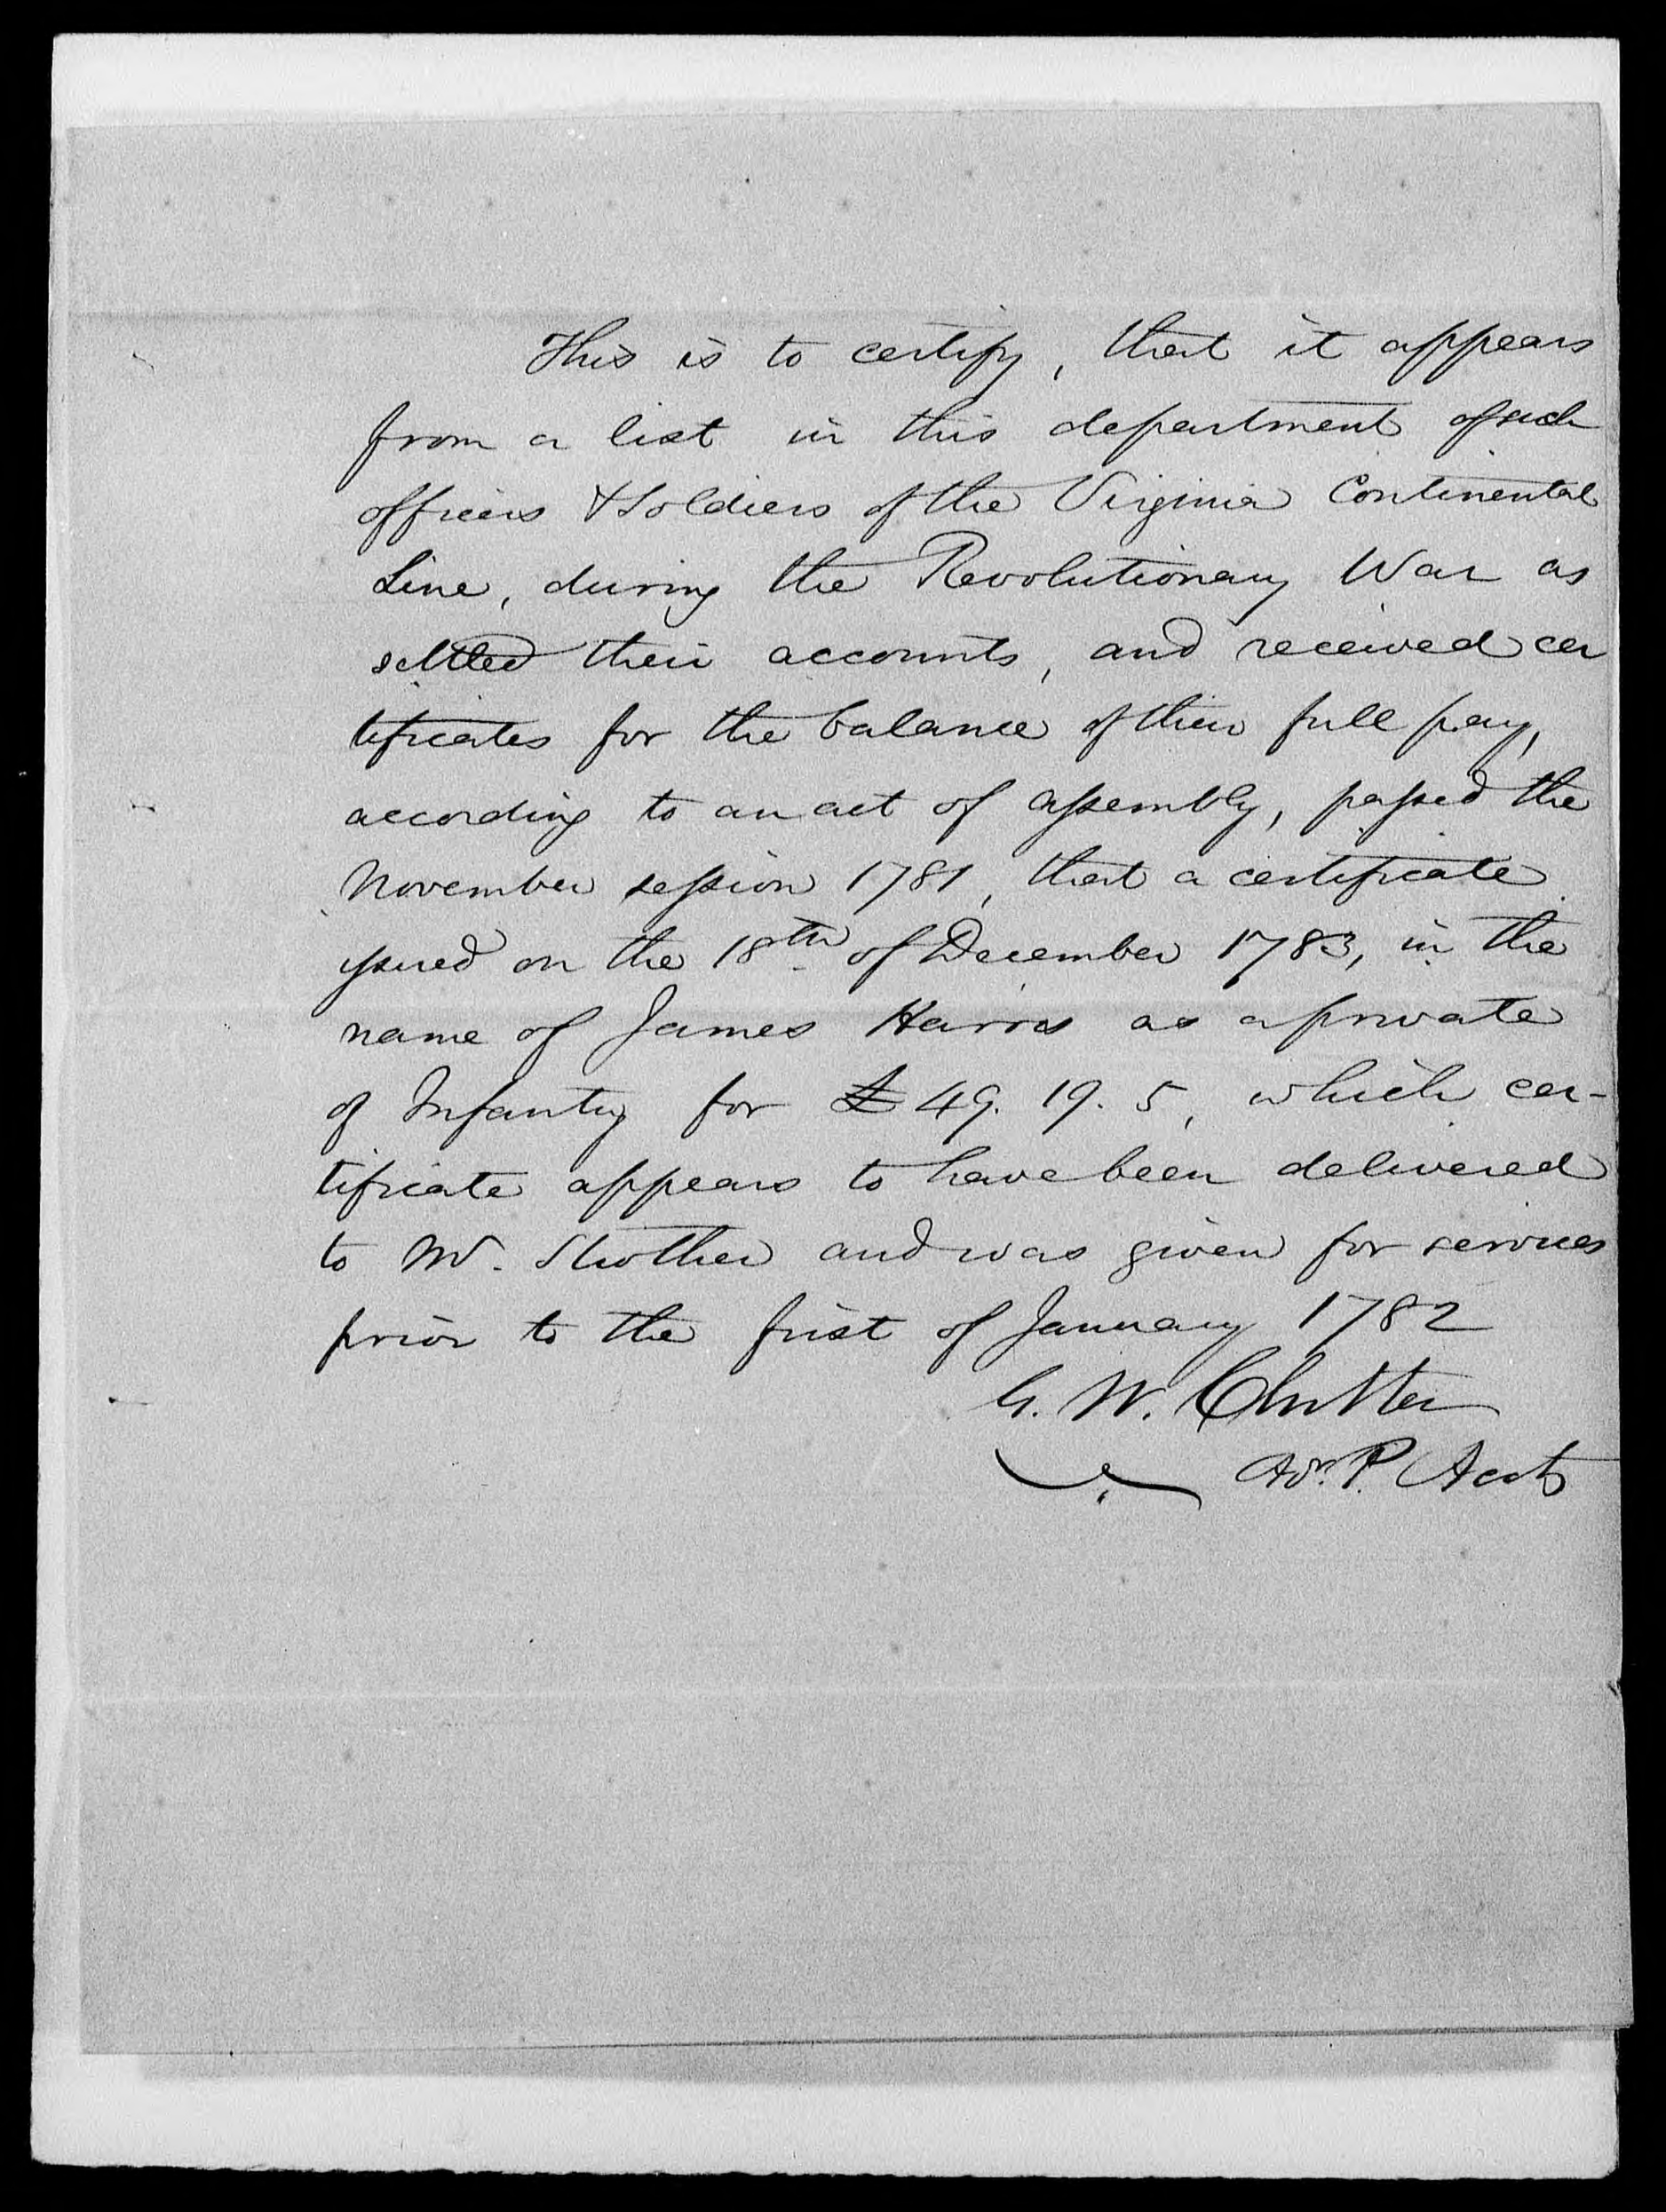This is to certify, that it appears from a list in this department [of such officers & soldiers of the Virginia Continental Line, during the Revolutionary War as settled their accounts, and received certificates for the balance of their full pay, according to an act of assembly, passed the November session 1781, that a certificate issued on the 18th of December 1783, in the name of James Harris as a private of Infantry for [pound sterling]49.19.5 which certificate appears to have been delivered to Mr. Strother and was given for services prior to the first of January 1782
G. W. Clutter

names: James Harris, G W Clutter, Strother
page: 131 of 160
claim: rejected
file: R. 4666, James Harris, Va.